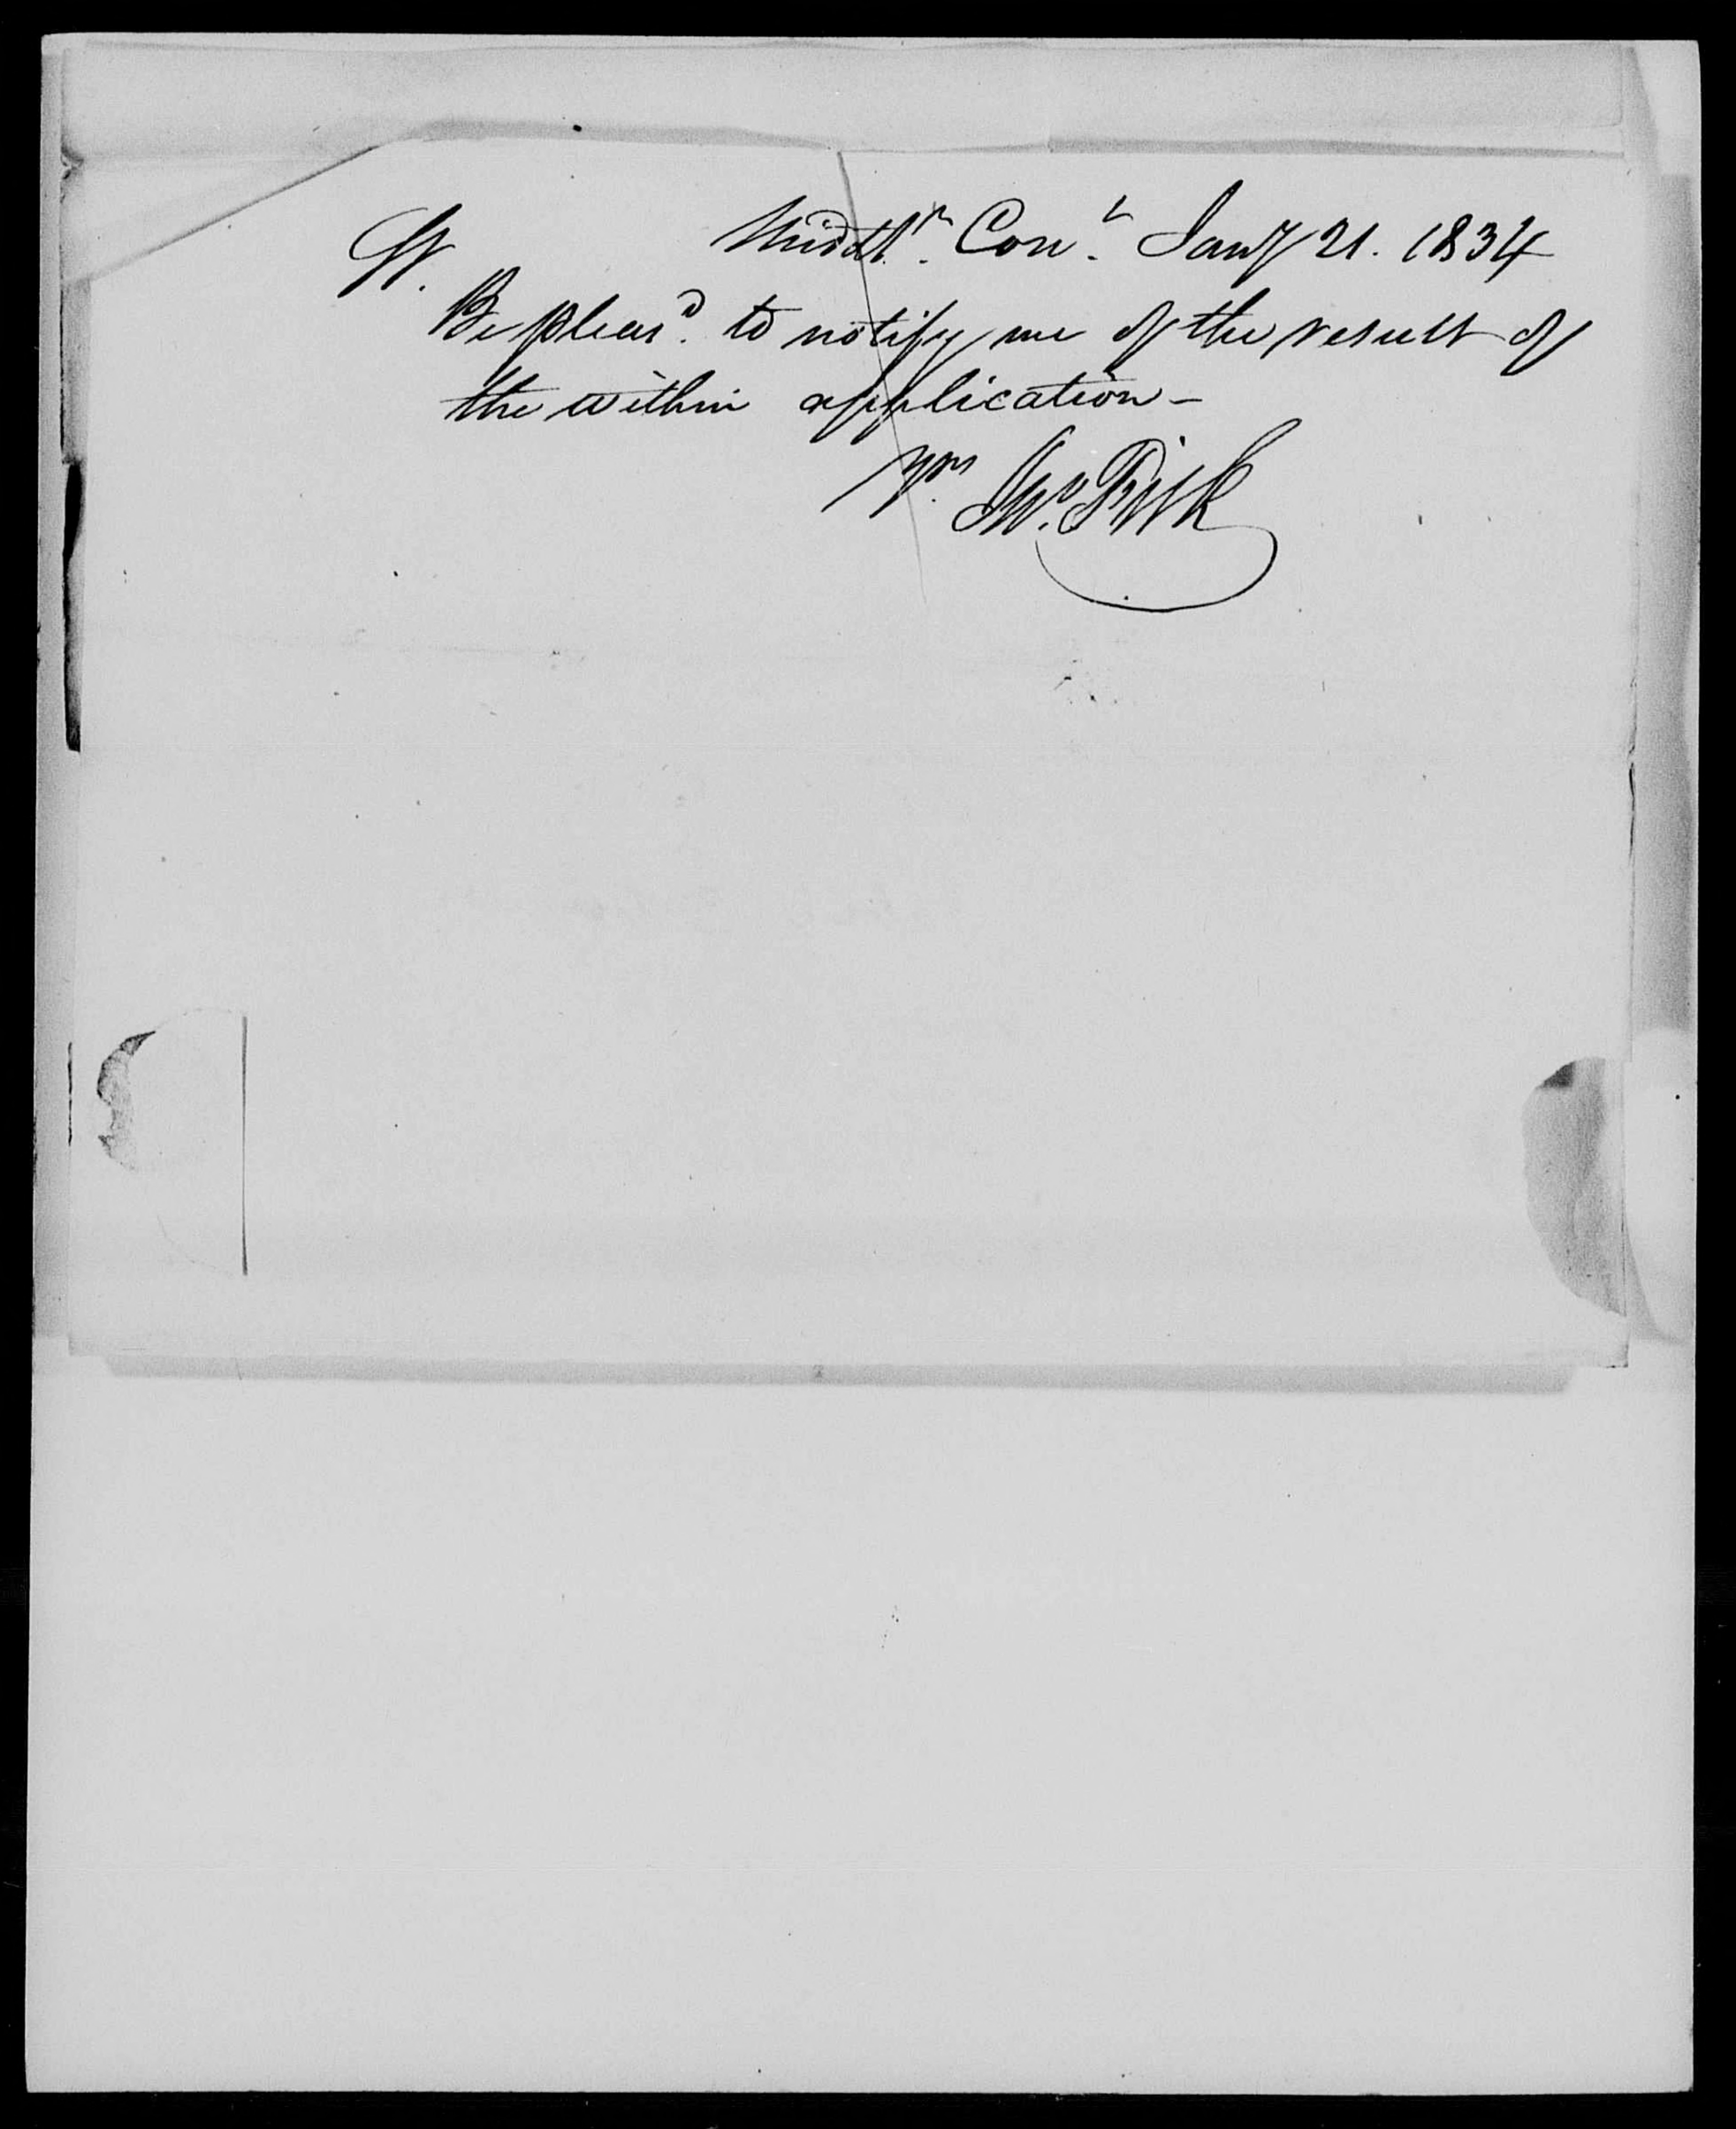[?] Connecticut Jan. 21, 1834

Sir,
Be pleased to notify me of the result of the within application.
Yours,
[signed, illegible]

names: Jno Fisk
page: 50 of 50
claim: survivor's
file: S 10607, Jabez Edwards, Conn.